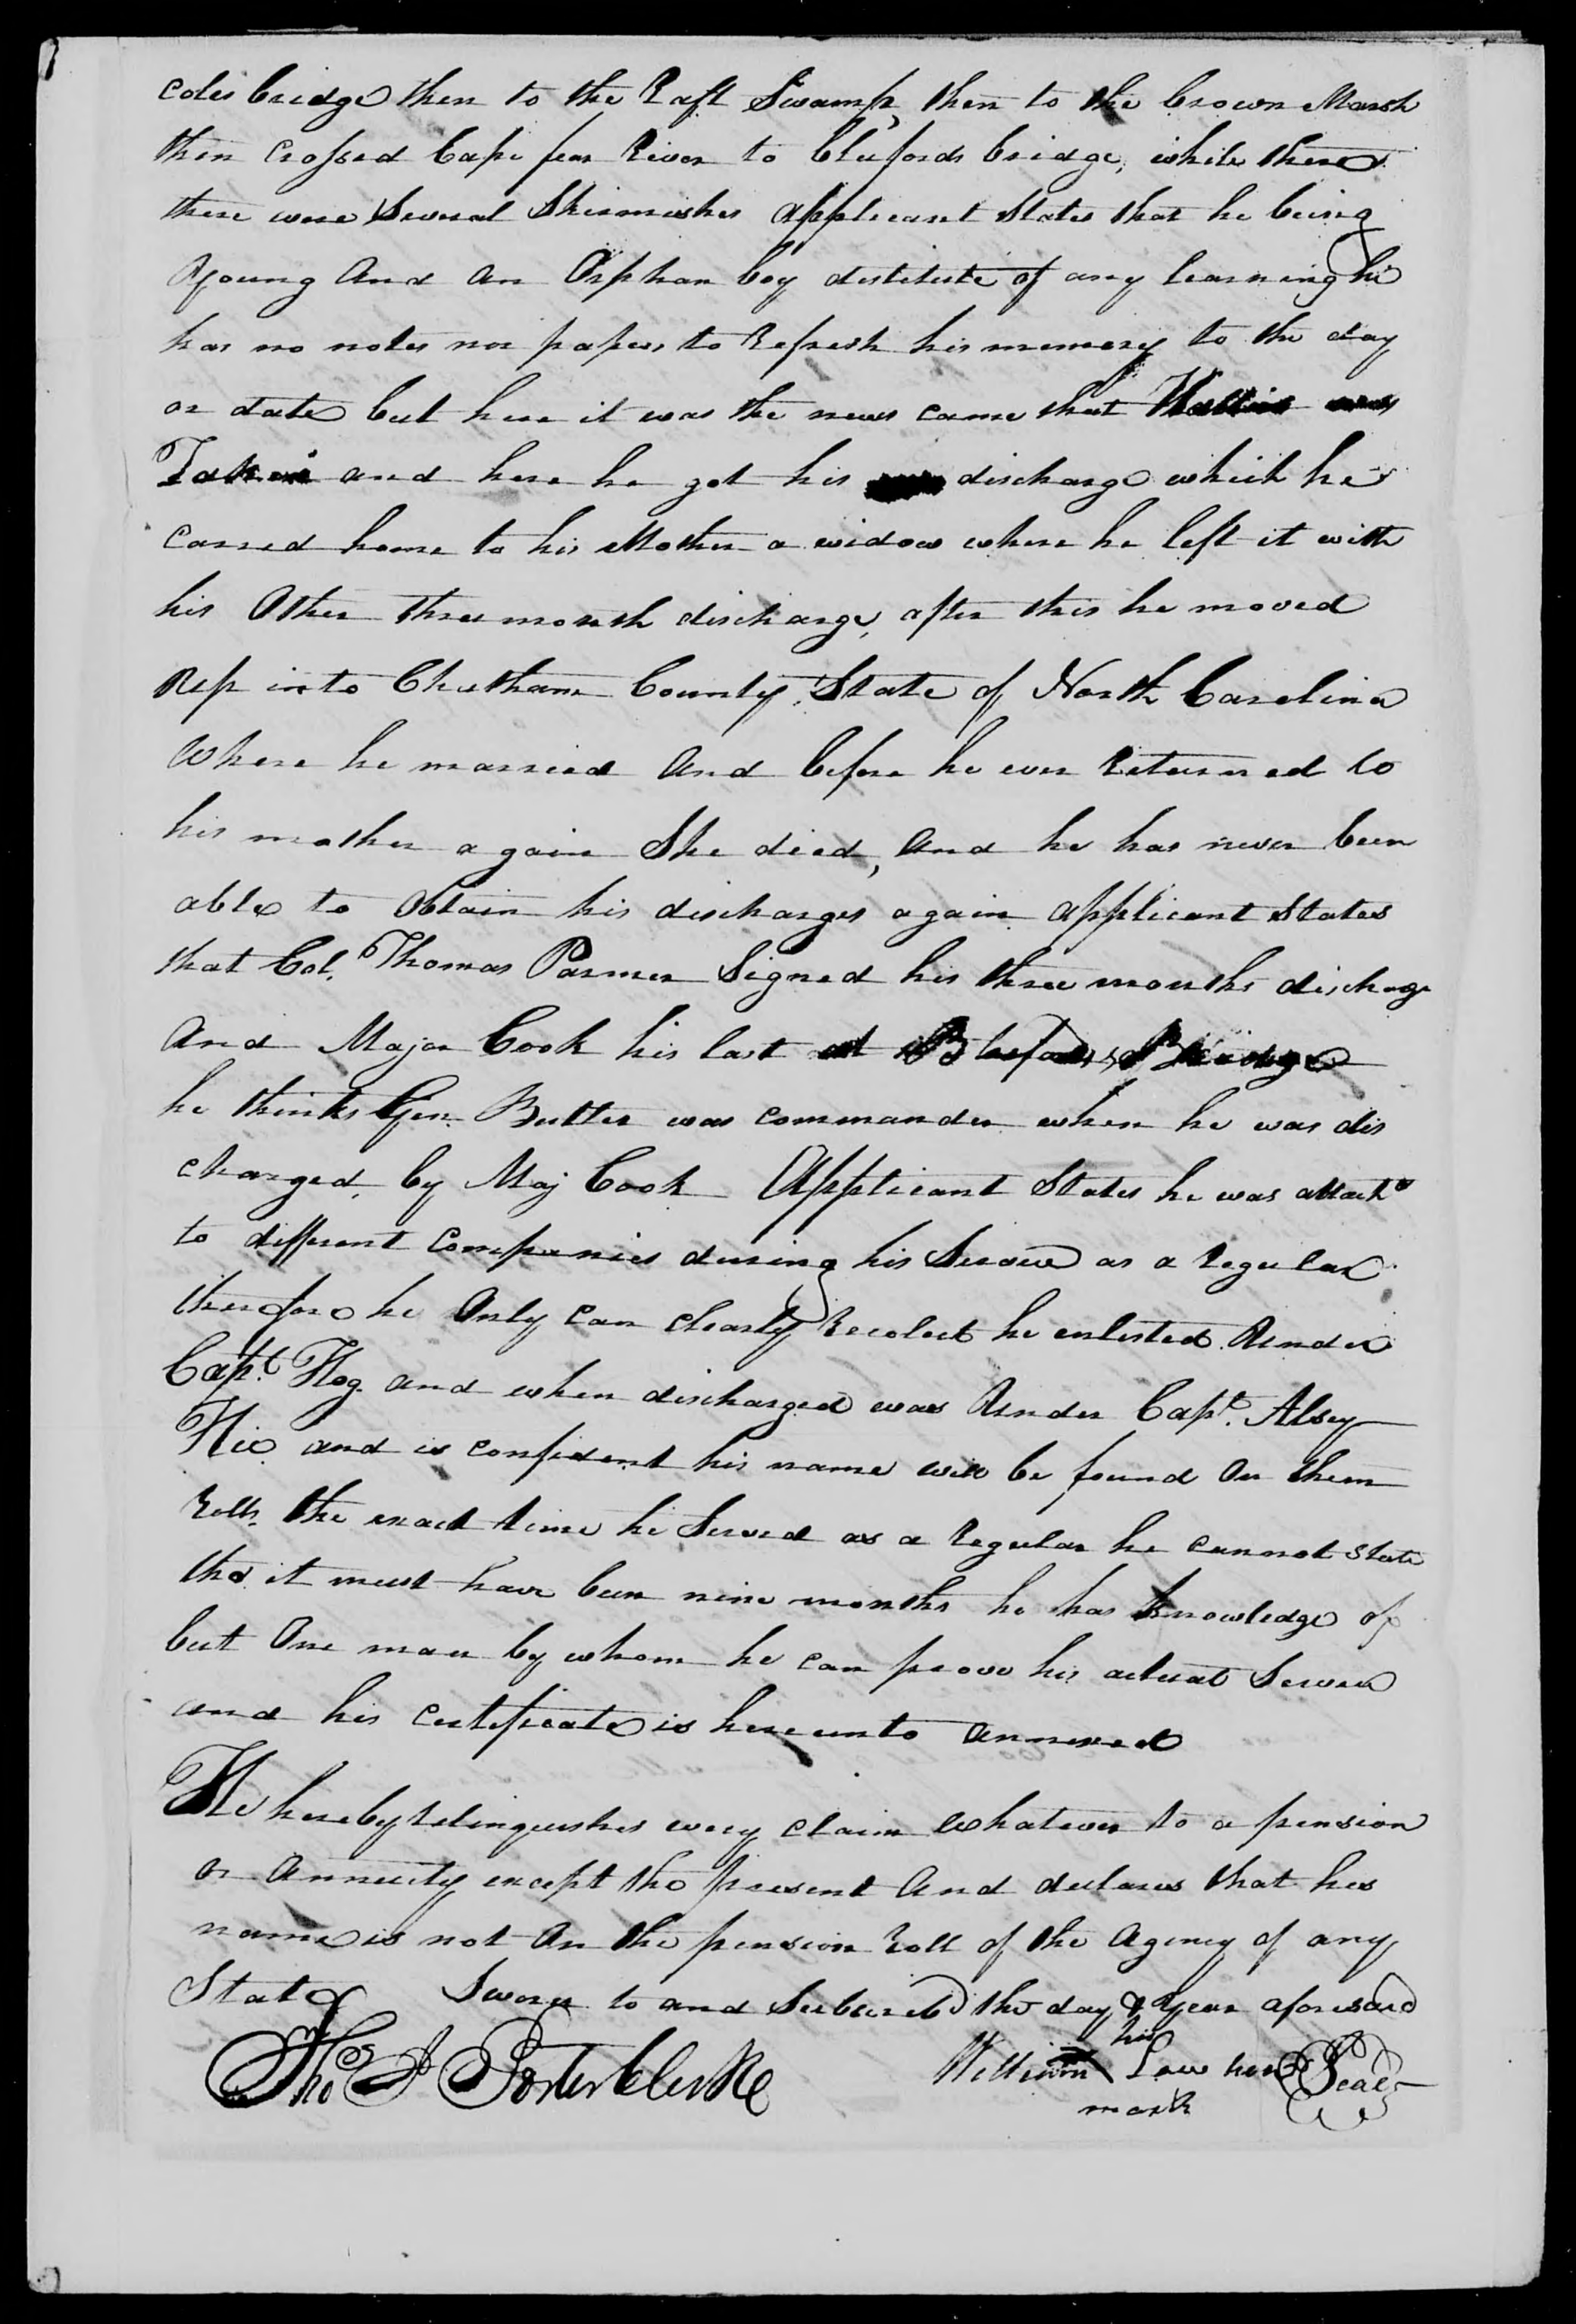at Coles bridge then to the Raft Swamp, then to the Brown March then crossed Cape Fear 
River to bluford's bridge, while there there were several skirmishes. Applicant states that he being young and an orphan boy destitute of any learning he has no notes nor papers to refresh his memory to the date or date but here it was the news came that Wallis was taken and here he got his discharge which he carried him to his mother a widow when he left it with his other 3 months discharge, after this he moved up into Chatham County, State of North Carolina where he married and before he ever returned to his mother again she died, and he has never been able to obtain his discharges again. Applicant states that Colonel Thomas Parmer signed his 3 months discharge and Major Cook his last at Bluford's Bridge he thinks General Butler was commander when he was discharged by Major Cook. Applicant states that he was attached to different Companies during his service as a regular therefore he can only clearly recollect he enlisted under Captain Hogg and when discharged was under Captain Alsey Hix and 
is confident his name will be found on their roles, the exact time he served as a regular he cannot state that it must have been 9 months he has knowledge of but one man by whom he can prove his actual service and his certificate is hereunto annexed. 
He hereby relinquishes every claim whatever to a pension or Annuity except the present and declares that his name is not on the pension roll of the Agency of any State. 
Sworn to and subscribed the day & year aforesaid. 
Thomas J. Porter, Clerk    
                   William X Lawhorn  (seal)
                     (X his mark)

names: William Law; Alsey Hix; Thos J Porter; [BLANK] Hog; Thomas Parmer; [BLANK] Cook; [BLANK] Butler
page: 7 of 16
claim: survivor's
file: S 4506, for William Lawhorn, North Carolina